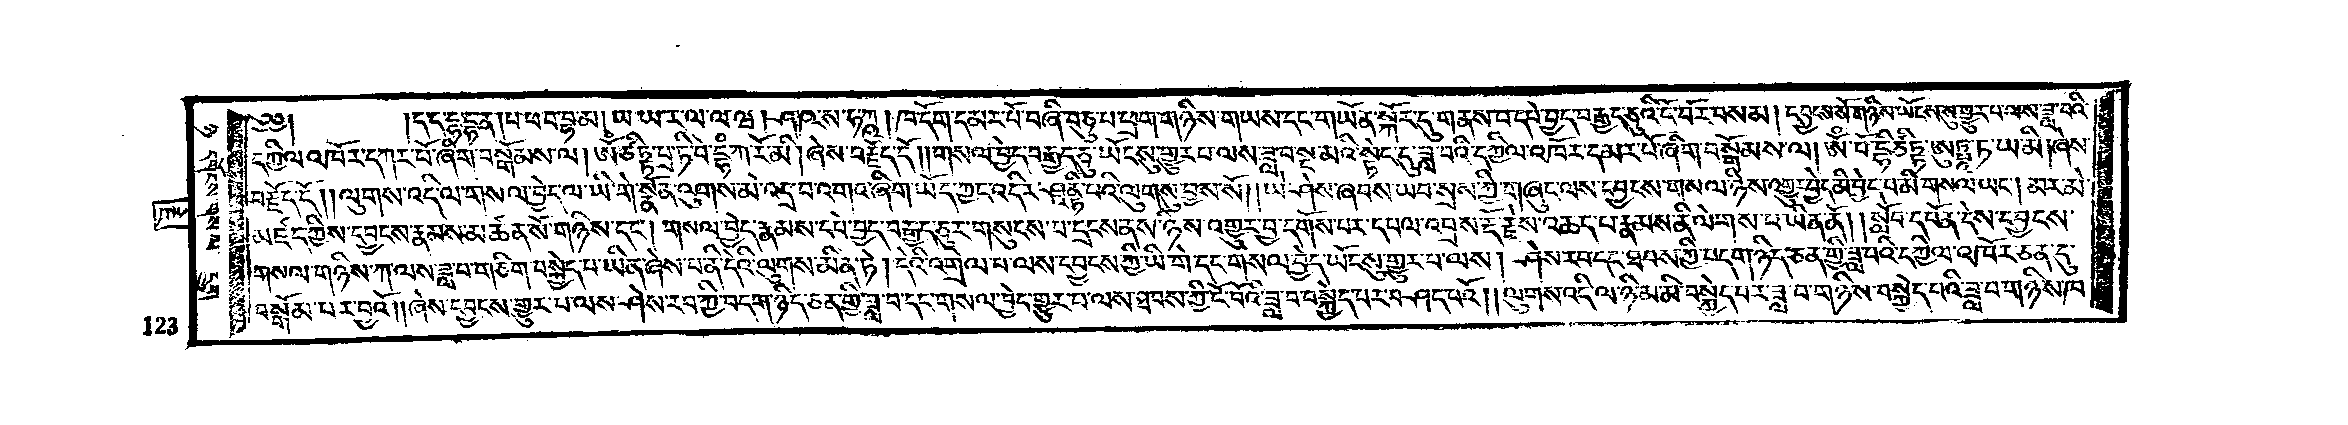༄༅། །ད་ད་དྷ་དྷ་ན། པ་ཕ་བ་བྷ་མ། ཡ་ཡ་ར་ལ་ལ་ཝ། ཤ་ཥ་ས་ཧ་ཀྵ། ཁ་དོག་དམར་པོ་བཞི་བཅུ་པ་ཕྲག་གཉིས་གཡས་དང་གཡོན་སྐོར་དུ་གནས་པ་དཔེ་བྱད་བརྒྱད་ཅུའི་ངོ་བོར་བསམ། དབྱངས་སོ་གཉིས་ཡོངས་སུ་གྱུར་པ་ལས་ཟླ་བའི་
དཀྱིལ་འཁོར་དཀར་པོ་ཞིག་བསྒོམས་ལ། ཨོཾ་བིཏྟ་པྲ་ཏི་བེ་དྷཾ་ཀ་རོ་མི། ཞེས་བརྗོད་དོ། །གསལ་བྱེད་བརྒྱད་ཅུ་ཡོངས་སུ་གྱུར་པ་ལས་ཟླ་བ་སྔ་མའི་སྟེང་དུ་ཟླ་བའི་དཀྱིལ་འཁོར་དམར་པོ་ཞིག་བསྒོམས་ལ། ཨོཾ་བོ་དྷི་ཙིཏྟ་ཨུཏྤཱ་ཏ་ཡ་མི། ཞེས་
བརྗོད་དོ། །ལུགས་འདི་ལ་གསལ་བྱེད་ལ་ཡི་གེ་སྣོན་ལུགས་མི་འདྲ་བ་འགའ་ཞིག་ཡོད་ཀྱང་འདིར་ཤཱནྟི་པའི་ལུགས་སུ་བྱས་སོ། །ཡེ་ཤེས་ཞབས་ཡབ་སྲས་ཀྱི་གཞུང་ལས་དབྱངས་གསལ་ཉིས་འགྱུར་བྱེད་མི་བྱེད་པ་མི་གསལ་ཡང་། མར་མེ་
མཛད་ཀྱིས་དབྱངས་རྣམས་མཚན་སོ་གཉིས་དང་། གསལ་བྱེད་རྣམས་དཔེ་བྱད་བརྒྱད་ཅུར་གསུངས་པ་དྲངས་ནས་ཉིས་འགྱུར་བྱ་དགོས་པར་དཔལ་འབྲས་རྡོ་རྗེས་འཆད་པ་རྣམས་ནི་ལེགས་པ་ཡིན་ནོ། །སློབ་དཔོན་དེས་དབྱངས་
གསལ་གཉིས་ཀ་ལས་ཟླ་བ་གཅིག་བསྐྱེད་པ་ཡིན་ཞེས་པ་ནི་དེའི་ལུགས་མིན་ཏེ། དེའི་འགྲེལ་པ་ལས་དབྱངས་ཀྱི་ཡི་གེ་དང་གསལ་བྱེད་ཡོངས་སུ་གྱུར་པ་ལས། ཤེས་རབ་དང་ཐབས་ཀྱི་བདག་ཉིད་ཅན་གྱི་ཟླ་བའི་དཀྱིལ་འཁོར་ཅན་དུ་
བསྒོམ་པར་བྱའོ། །ཞེས་དབྱངས་གྱུར་པ་ལས་ཤེས་རབ་ཀྱི་བདག་ཉིད་ཅན་གྱི་ཟླ་བ་དང་གསལ་བྱེད་གྱུར་པ་ལས་ཐབས་ཀྱི་ངོ་བོའི་ཟླ་བ་བསྐྱེད་པར་བཤད་པའོ། །ལུགས་འདི་ལ་ཉི་མ་མི་བསྐྱེད་པར་ཟླ་བ་གཉིས་བསྐྱེད་པའི་ཟླ་བ་གཉིས་ཁ་